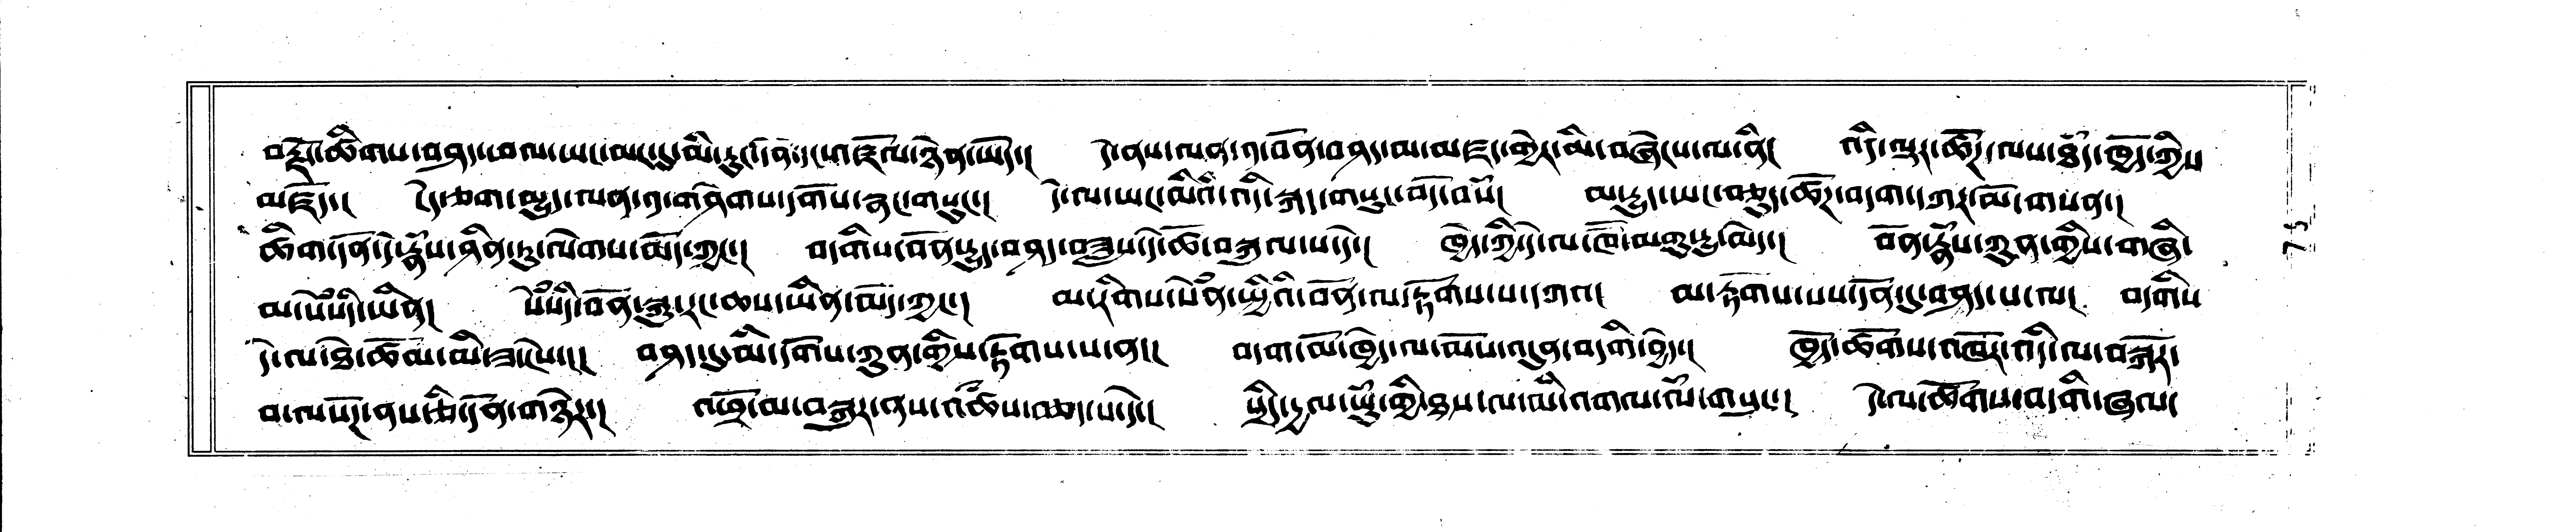བརྗོད་ཚིགས་བཤད་ཕལ་ཡང་མང་དུ་མི་རུང་དོན་དང་འཛོལ་ཉེན་ཡོད། དེ་ནས་ལན་གཅིག་བོན་བཤད་མ་མཛད་གྱེར་མི་བཞེངས་ལ་ནི། འདི་ལྟར་ཚོགས་ལས་ཐམས་ཅད་ཁྱོད་ཀྱིས་
མཛོད། ངེད་ཅག་མ་རྒྱུད་ལན་གཅིག་གཤེགས་དགོས་སྣང་གསུང་། དེ་ལ་ཡང་གྱེར་མིས་འདི་སྐད་གསུང་བདོ་བསམ། མ་རྒྱུད་ཡང་བཅུད་ཚོགས་བདག་དཀར་མོ་གསན། 
ཚིག་དོན་དེ་རྣམས་ཤིན་ཏུ་ལེགས་མོད་ཀྱང་། བདག་གིས་བོན་རྒྱུད་བཤད་བཟླས་དེ་ཚོ་བསྐུལ་པ་དེ། ཁྱེད་ཀྱི་དེ་ལ་ཁོ་བོ་མགུ་རུ་མེད། བོན་རྣམས་ཀུན་གྱི་གཞི་
མ་སེམས་ཉིད་ཡིན། སེམས་ཉིད་བོན་སྐུ་རང་ཆས་ཡིན་མོད་ཀྱང་། མ་རིག་སེམས་ཅན་སྤྱིའི་བོན་ལ་རྟོགས་པ་དཀའ། མ་རྟོགས་པས་དོན་དུ་བཤད་པ་ལ། བདག་གིས་
དེ་ལ་ཐེ་ཚོམ་མི་ཟ་ངེས། བཤད་དུ་མི་དགོས་ཀུན་གྱིས་རྟོགས་པ་ན། བདག་མོ་ཁྱེད་ལ་མོས་འདུན་བདག་གི་བྱེད། ཁྱོད་ཚོགས་འཁོར་འདི་ལ་བསྐོར་
བ་ལ་སོགས་ནས་ཅི་དོན་གཉེར། འཕྲོ་མ་བསྐུར་ནས་འཚམས་བཅད་པ་དེ། སྲིད་རྒྱལ་ཡུམ་གྱི་ཐུགས་ལ་མི་འགལ་ལམ་གསུང་། དེ་ལ་ཚོགས་བདག་གི་ཞལ་